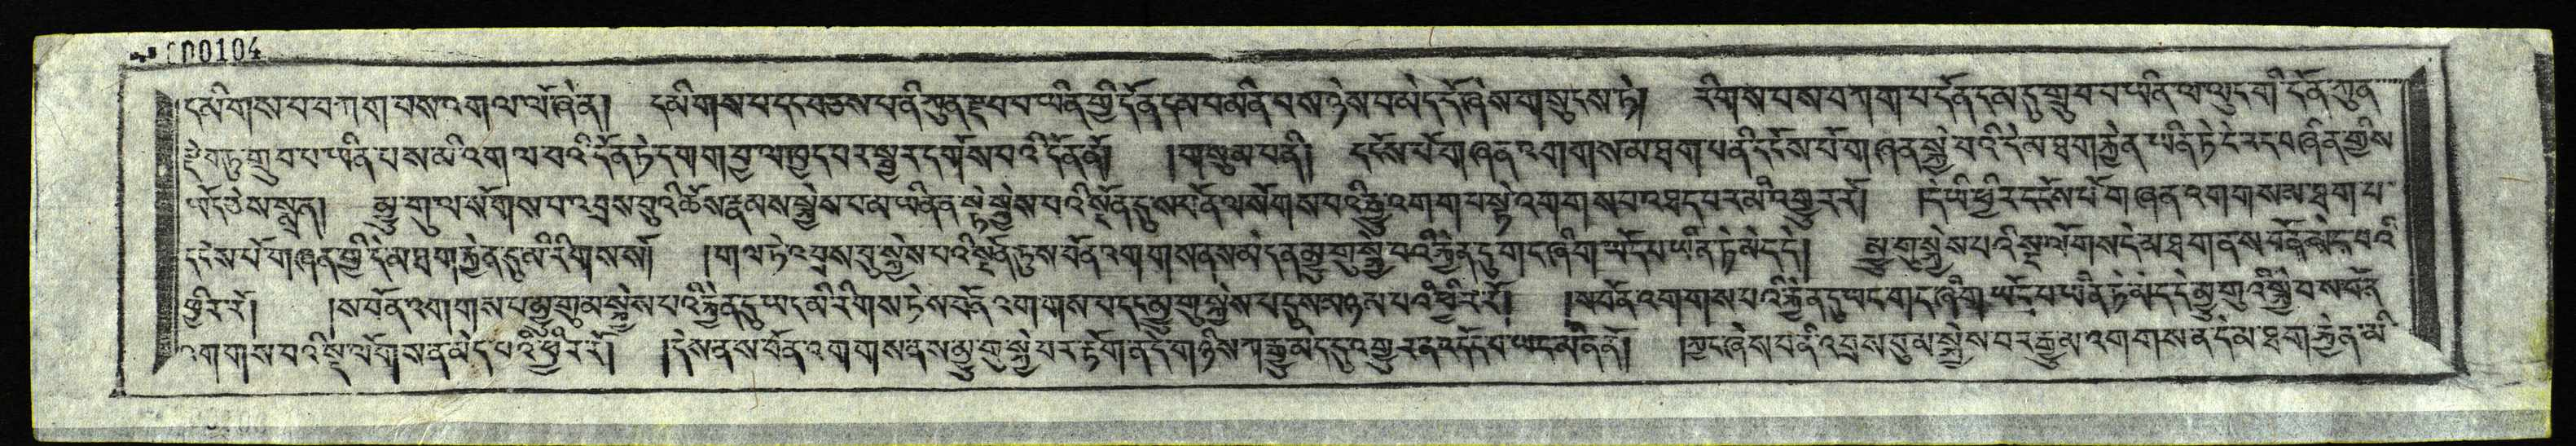དམིགས་པ་བཀག་བས་འགལ་ལོ་ཞེ་ན། དམིགས་པ་དང་བཅས་པ་ནི་ཀུན་རྫོབ་པ་ཡིན་གྱི་དོན་དམ་པ་མིན་པས་ཉེས་པ་མེད་དོ་ཞེས་གསུངས་ཏེ། རིགས་པས་བཀག་པ་དོན་དམ་དུ་གྲུབ་པ་ཡིན་ལ་ལུང་གི་དོན་ཀུན་
རྫོབ་ཏུ་གྲུབ་པ་ཡིན་པས་མི་འགལ་བའི་དོན་ཏེ་དགག་བྱ་ལ་ཁྱད་པར་སྦྱར་དགོས་པའི་དོན་ནོ། །གསུམ་པ་ནི། དངོས་པོ་གཞན་འགགས་མ་ཐག་པ་ནི་དངོས་པོ་གཞན་སྐྱེ་བའི་དེ་མ་ཐག་རྐྱེན་ཡིན་ཏེ་དེ་རང་བཞིན་གྱིས་
ཕ༹ྱོད་ཅེས་སྨྲ་ན། མྱུ་གུ་ལ་སོགས་པ་འབྲས་བུའི་ཆོས་རྣམས་སྐྱེས་པ་མ་ཡིན་ན་སྟེ་སྐྱེས་པའི་སྔོན་དུ་ས་བོན་ལ་སོགས་པའི་རྒྱུ་འགག་པ་སྟེ་འགགས་པ་འཐད་བར་མི་འགྱུར་རོ། །དེ་ཡི་ཕྱིར་དངོས་པོ་གཞན་འགགས་མ་ཐག་པ་
དངོས་པོ་གཞན་གྱི་དེ་མ་ཐག་རྐྱེན་དུ་མི་རིགས་སོ། །གལ་ཏེ་འབྲས་བུ་སྐྱེས་པའི་སྔོན་ཏུ་ས་བོན་འགགས་ནས་མེད་ན་མྱུ་གུ་སྐྱེ་བའི་རྐྱེན་དུ་གང་ཞིག་ཡོད་པ་ཡིན་ཏེ་མེད་དེ། མྱུ་གུ་སྐྱེས་པའི་སྔ་ལོགས་དེ་མ་ཐག་ན་ས་བོན་མེད་པའི་
ཕ༹ཕྱིར་རོ། །ས་བོན་འགགས་པ་མྱུ་གུ་མ་སྐྱེས་པའི་རྐྱེན་དུ་ཡང་མི་རིགས་ཏེ་ས་བོན་འགགས་པ་དང་མྱུ་གུ་སྐྱེས་པ་དུས་མཉམ་པའི་ཕྱིར་རོ། །ས་བོན་འགགས་པའི་རྐྱེན་དུ་ཡང་གང་ཞིག་ཡོད་པ་ཡིན་ཏེ་མེད་དེ་མྱུ་གུའི་སྐྱེ་བ་ས་བོན་
འགགས་པའི་སྔ་ལོགས་ན་མེད་པའི་ཕྱིར་རོ། །དེས་ན་ས་བོན་འགགས་ནས་མྱུ་གུ་སྐྱེ་བར་རྟོག་ན་དེ་གཉིས་ཀ་རྒྱུ་མེད་དུ་འགྱུར་ན་འདོད་པ་ཡང་མིན་ནོ། །ཀྱང་ཞེས་པ་ནི་འབྲས་བུ་མ་སྐྱེས་བར་རྒྱུ་མ་འགགས་ན་དེ་མ་ཐག་རྐྱེན་མི་